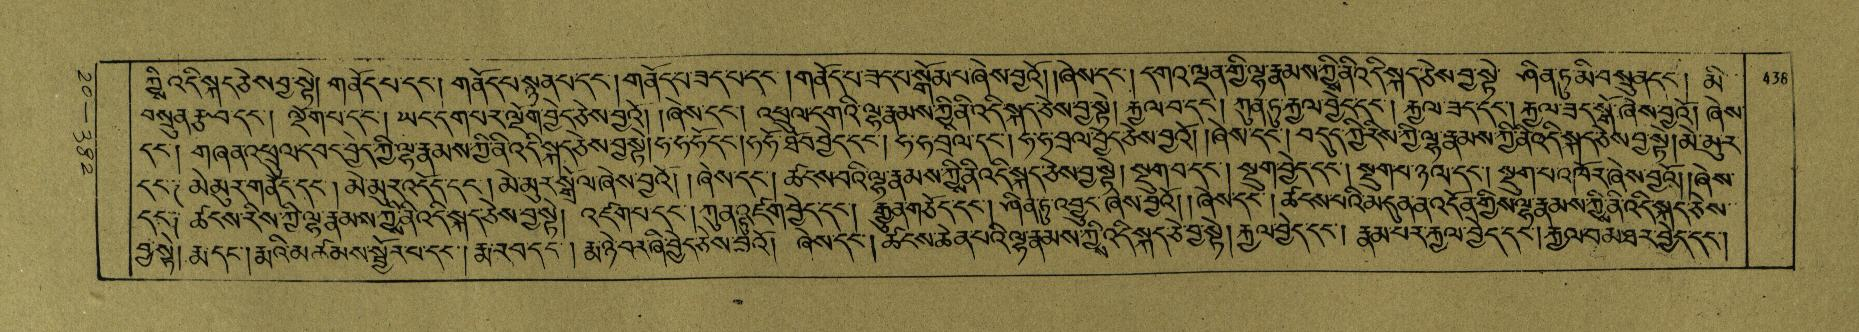ཀྱིས་འདི་སྐད་ཅེས་བྱ་སྟེ། གནོད་པ་དང་། གནོད་པ་སྙན་པ་དང་། གནོད་པ་ཟད་པ་དང་། གནོད་པ་ཟད་པ་སྒོམ་པ་ཞེས་བྱའོ། །ཞེས་དང་། དགའ་ལྡན་གྱི་ལྷ་རྣམས་ཀྱིས་ནི་འདི་སྐད་ཅེས་བྱ་སྟེ་ཤིན་ཏུ་མི་བསྲུན་དང་། མི་
བསྲུན་རྩ་བ་དང་། ལྡོག་པ་དང་། ཡང་དག་པར་ལྡོག་བྱེད་ཅེས་བྱའོ། །ཞེས་དང་། འཕྲུལ་དགའི་ལྷ་རྣམས་ཀྱིས་ནི་འདི་སྐད་ཅེས་བྱ་སྟེ། རྐྱལ་བ་དང་། ཀུན་ཏུ་རྐྱལ་བྱེད་དང་། རྐྱལ་ཟད་དང་། རྐྱལ་ཟད་སྒོ་ཞེས་བྱའོ། ཞེས་
དང་། གཞན་འཕྲུལ་དབང་བྱེད་ཀྱི་ལྷ་རྣམས་ཀྱི་ནི་འདི་སྐད་ཅེས་བྱ་སྟེ། ཧ་ཧ་ཧོ་དང་། ཧ་ཧོ་ཐོབ་བྱེད་དང་། ཧ་ཧ་བྲལ་དང་། ཧ་ཧ་བྲལ་བྱེད་ཅེས་བྱའོ། །ཞེས་དང་། བདུད་ཀྱི་རིས་ཀྱི་ལྷ་རྣམས་ཀྱི་ནི་འདི་སྐད་ཅེས་བྱ་སྟེ། མེ་མུར་
དང༑ མེ་མུར་གནོད་དང་། མེ་མུར་འདོད་དང་། མེ་མུར་སྒྲོལ་ཞེས་བྱའོ། །ཞེས་དང་། ཚངས་པའི་ལྷ་རྣམས་ཀྱིས་ནི་འདི་སྐད་ཅེས་བྱ་སྟེ། སྡུག་བ་དང་། སྡུག་བྱེད་དང་། སྡུག་པ་ཉལ་དང་། སྡུག་པ་འཁོར་ཞེས་བྱའོ། །ཞེས་
དང༑ ཚངས་རིས་ཀྱི་ལྷ་རྣམས་ཀྱིས་ནི་འདི་སྐད་ཅེས་བྱ་སྟེ། འཛག་པ་དང་། ཀུན་ཏུ་འཛག་བྱེད་དང་། རྒྱུན་གཅོད་དང་། ཤིན་ཏུ་འབྱུང་ཞེས་བྱའོ། །ཞེས་དང་། ཚངས་པའི་མདུན་ན་འདོན་གྱིས་ལྷ་རྣམས་ཀྱིས་ནི་འདི་སྐད་ཅེས་
བྱ་སྟེ། རྨ་དང་། རྨའི་མཚམས་སྦྱོར་པ་དང་། རྨ་རུབ་དང་། རྨ་ཉེ་བར་ཞི་བྱེད་ཅེས་བྱའོ། ཞེས་དང་། ཚངས་ཆེན་པའི་ལྷ་རྣམས་ཀྱིས་འདི་སྐད་ཅེས་བྱ་སྟེ། རྐྱལ་བྱེད་དང་། རྣམ་པར་རྐྱལ་བྱེད་དང་། རྐྱལ་བ་མཐར་བྱེད་དང་